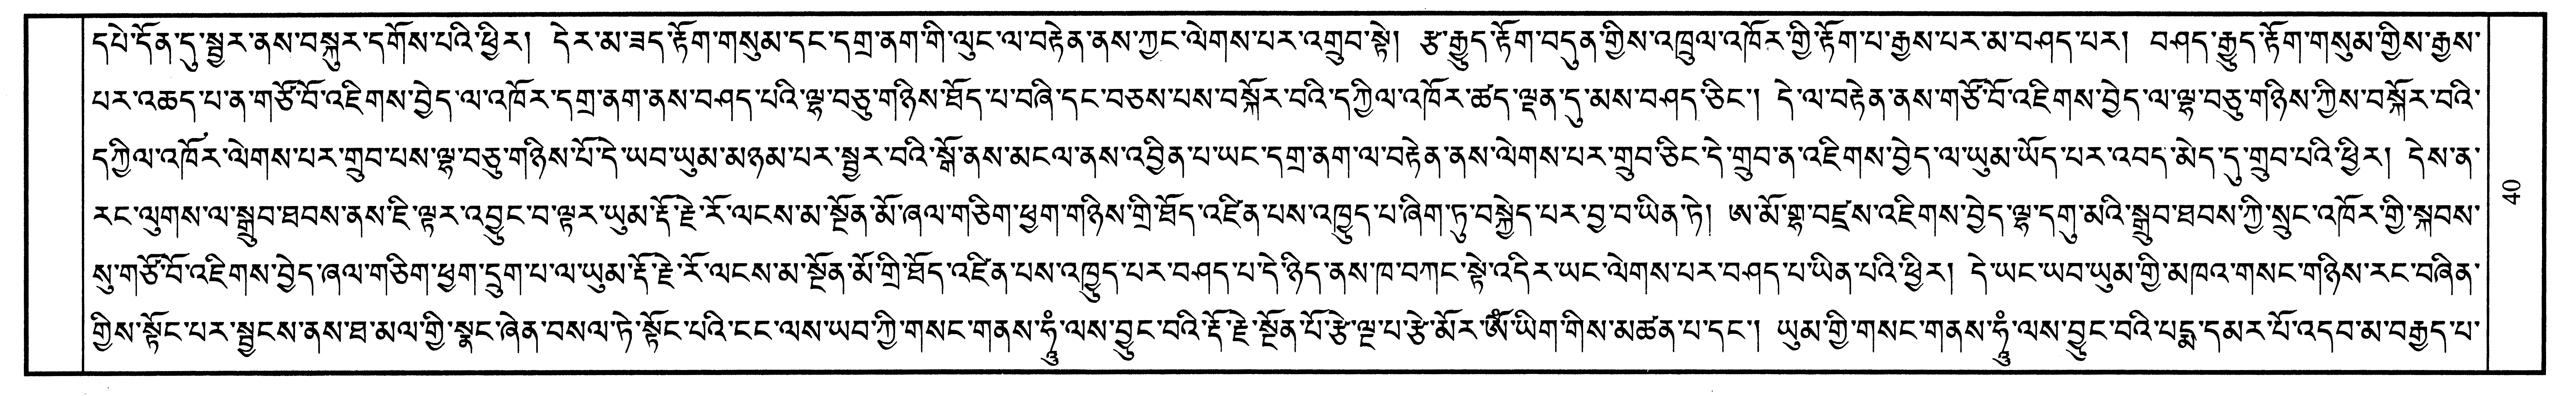དཔེ་དོན་དུ་སྦྱར་ནས་བསྐུར་དགོས་པའི་ཕྱིར། དེར་མ་ཟད་རྟོག་གསུམ་དང་དྲ་ནག་གི་ལུང་ལ་བརྟེན་ནས་ཀྱང་ལེགས་པར་འགྲུབ་སྟེ། རྩ་རྒྱུད་རྟོག་བདུན་གྱིས་འཁྲུལ་འཁོར་གྱི་རྟོག་པ་རྒྱས་པར་བཤད་པར། བཤད་རྒྱུད་རྟོག་གསུམ་གྱིས་རྒྱས་
པར་འཆད་པ་ན་གཙོ་བོ་འཇིགས་བྱེད་ལ་འཁོར་དགྲ་ནག་ནས་བཤད་པའི་ལྷ་བཅུ་གཉིས་ཐོད་པ་བཞི་དང་བཅས་པ་བསྐོར་བའི་དཀྱིལ་འཁོར་ཚད་ལྡན་དུ་མས་བཤད་ཅིང་། དེ་ལ་བརྟེན་ནས་གཙོ་བོ་འཇིགས་བྱེད་ལ་ལྷ་བཅུ་གཉིས་ཀྱིས་བསྐོར་བའི་
དཀྱིལ་འཁོར་ལེགས་པར་གྲུབ་པས་ལྷ་བཅུ་གཉིས་པོ་དེ་ཡབ་ཡུམ་མཉམ་པར་སྦྱར་བའི་སྒོ་ནས་མངལ་ནས་འབྱིན་པ་ཡང་དགྲ་ནག་ལ་བརྟེན་ནས་ལེགས་པར་གྲུབ་ཅིང་དེ་གྲུབ་ན་འཇིགས་བྱེད་ལ་ཡུམ་ཡོད་པར་འབད་མེད་དུ་གྲུབ་པའི་ཕྱིར། དེས་ན་
རང་ལུགས་ལ་སྒྲུབ་ཐབས་ནས་ཇི་ལྟར་འབྱུང་བ་ལྟར་ཡུམ་རྡོ་རྗེ་རོ་ལངས་མ་སྔོན་མོ་ཞལ་གཅིག་ཕྱག་གཉིས་གྲི་ཐོད་འཛིན་པས་འཁྱུད་པ་ཞིག་ཏུ་བསྐྱེད་པར་བྱ་བ་ཡིན་ཏེ། ཨ་མོ་གྷ་བཛྲས་འཇིགས་བྱེད་ལྷ་དགུ་མའི་སྒྲུབ་ཐབས་ཀྱི་སྲུང་འཁོར་གྱི་སྐབས་
སུ་གཙོ་བོ་འཇིགས་བྱེད་ཞལ་གཅིག་ཕྱག་དྲུག་པ་ལ་ཡུམ་རྡོ་རྗེ་རོ་ལངས་མ་སྔོན་མོ་གྲི་ཐོད་འཛིན་པས་འཁྱུད་པར་བཤད་པ་དེ་ཉིད་ནས་ཁ་བཀང་སྟེ་འདིར་ཡང་ལེགས་པར་བཤད་པ་ཡིན་པའི་ཕྱིར། དེ་ཡང་ཡབ་ཡུམ་གྱི་མཁའ་གསང་གཉིས་རང་བཞིན་
གྱིས་སྟོང་པར་སྦྱངས་ནས་ཐ་མལ་གྱི་སྣང་ཞེན་བསལ་ཏེ་སྟོང་ཨཔའི་ངང་ལས་ཡབ་ཀྱི་གསང་གནས་ཧཱུཾ་ལས་བྱུང་བའི་རྡོ་རྗེ་སྔོན་པོ་རྩེ་ལྔ་པ་རྩེ་མོར་ཨོཾ་ཡིག་གིས་མཚན་པ་དང་། ཡུམ་གྱི་གསང་གནས་ཧཱུཾ་ལས་བྱུང་བའི་པདམ་དམར་པོ་འདབ་མ་བརྒྱད་པ་